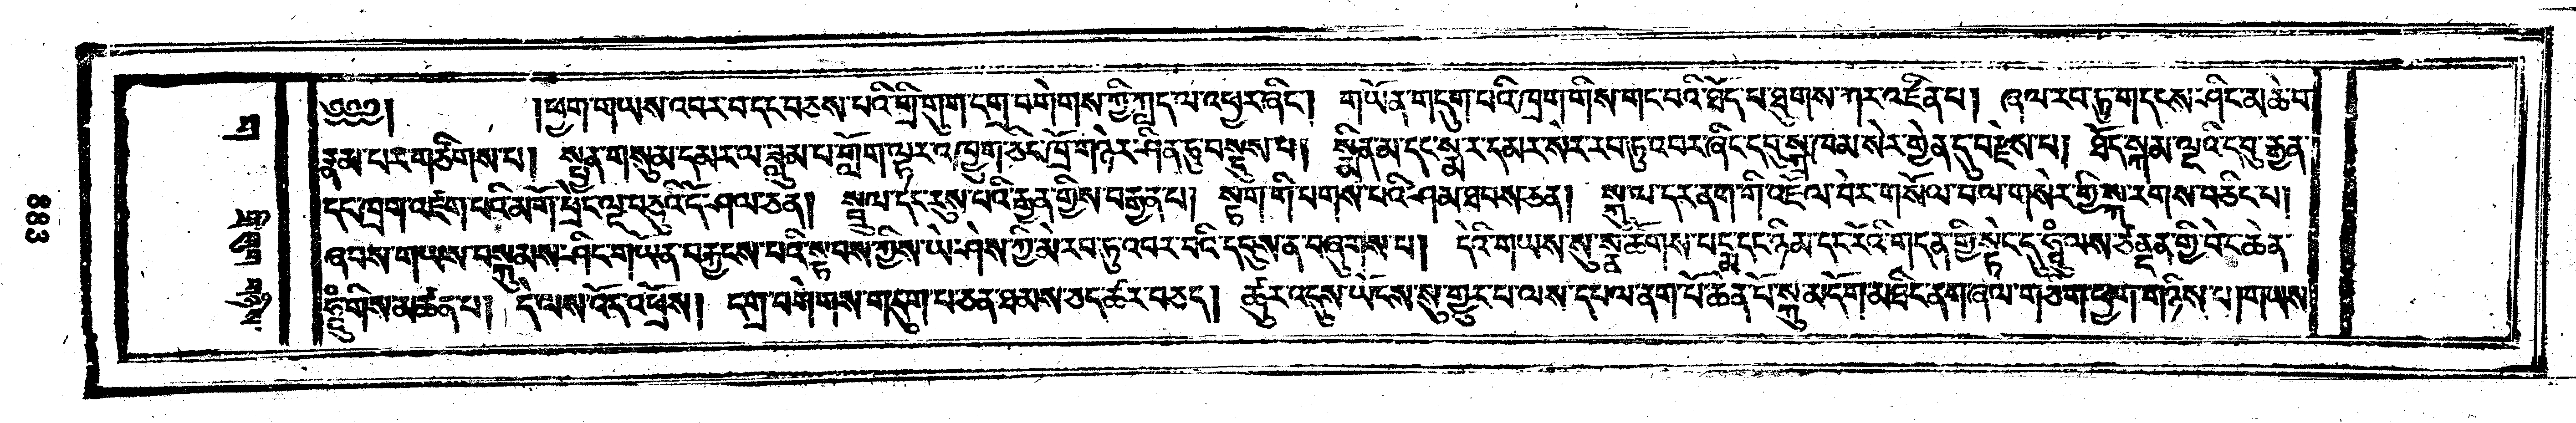༄༅༅། །ཕྱག་གཡས་འབར་བ་དང་བཅས་པའི་གྲི་གུག་དགྲ་བགེགས་ཀྱི་ཀླད་ལ་འཕྱར་ཞིང་། གཡོན་གདུག་པའི་ཁྲག་གིས་གང་བའི་ཐོད་པ་ཐུགས་ཀར་འཛིན་པ། ཞལ་རབ་ཏུ་གདངས་ཤིང་མཆེ་བ་
རྣམ་པར་གཙིགས་པ། སྤྱན་གསུམ་དམར་ལ་ཟླུམ་པ་གློག་ལྟར་འཁྱུག་ཅིང་ཁྲོ་གཉེར་ཤིན་ཏུ་བསྡུས་པ། སྨིན་མ་དང་སྨར་དམར་སེར་རབ་ཏུ་འབར་ཞིང་དབུ་སྐྲ་ཁམ་སེར་གྱེན་དུ་བརྫེས་པ། ཐོད་སྐམ་ལྔའི་དབུ་རྒྱན་
དང་ཁྲག་འཛག་པའི་མགོ་ཕྲེང་ལྔ་བཅུའི་དོ་ཤལ་ཅན། སྦྲུལ་དང་རུས་པའི་རྒྱན་གྱིས་བརྒྱན་པ། སྟག་གི་པགས་པའི་ཤམ་ཐབས་ཅན། སྐུ་ལ་དར་ནག་གི་འཇོལ་བེར་གསོལ་བལ་གསེར་གྱི་སྐ་རགས་བཅིང་པ།
ཞབས་གཡས་བསྐུམས་ཤིང་གཡོན་བརྐྱངས་པའི་སྟབས་ཀྱིས་ཡེ་ཤེས་ཀྱི་མེ་རབ་ཏུ་འབར་བའི་དབུས་ན་བཞུགས་པ། དེའི་གཡས་སུ་སྣ་ཚོགས་པདམ་དང་ཉི་མ་དང་རོའི་གདན་གྱི་སྟེང་དུ་ཧཱུཾ་ལས་ཙནྡན་གྱི་བེ་ང་ཆེན་
ཧཱུཾ་གིས་མཚན་པ། དེ་ལས་འོད་འཕྲོས། དགྲ་བགེགས་གདུག་པ་ཅན་ཐམས་ཅད་ཚར་བཅད། ཚུར་འདུས་ཡོངས་སུ་གྱུར་པ་ལས་དཔལ་ནག་པོ་ཆེན་པོ་སྐུ་མདོག་མཐིང་ནག་ཞལ་གཅིག་ཕྱག་གཉིས་པ། གཡས་